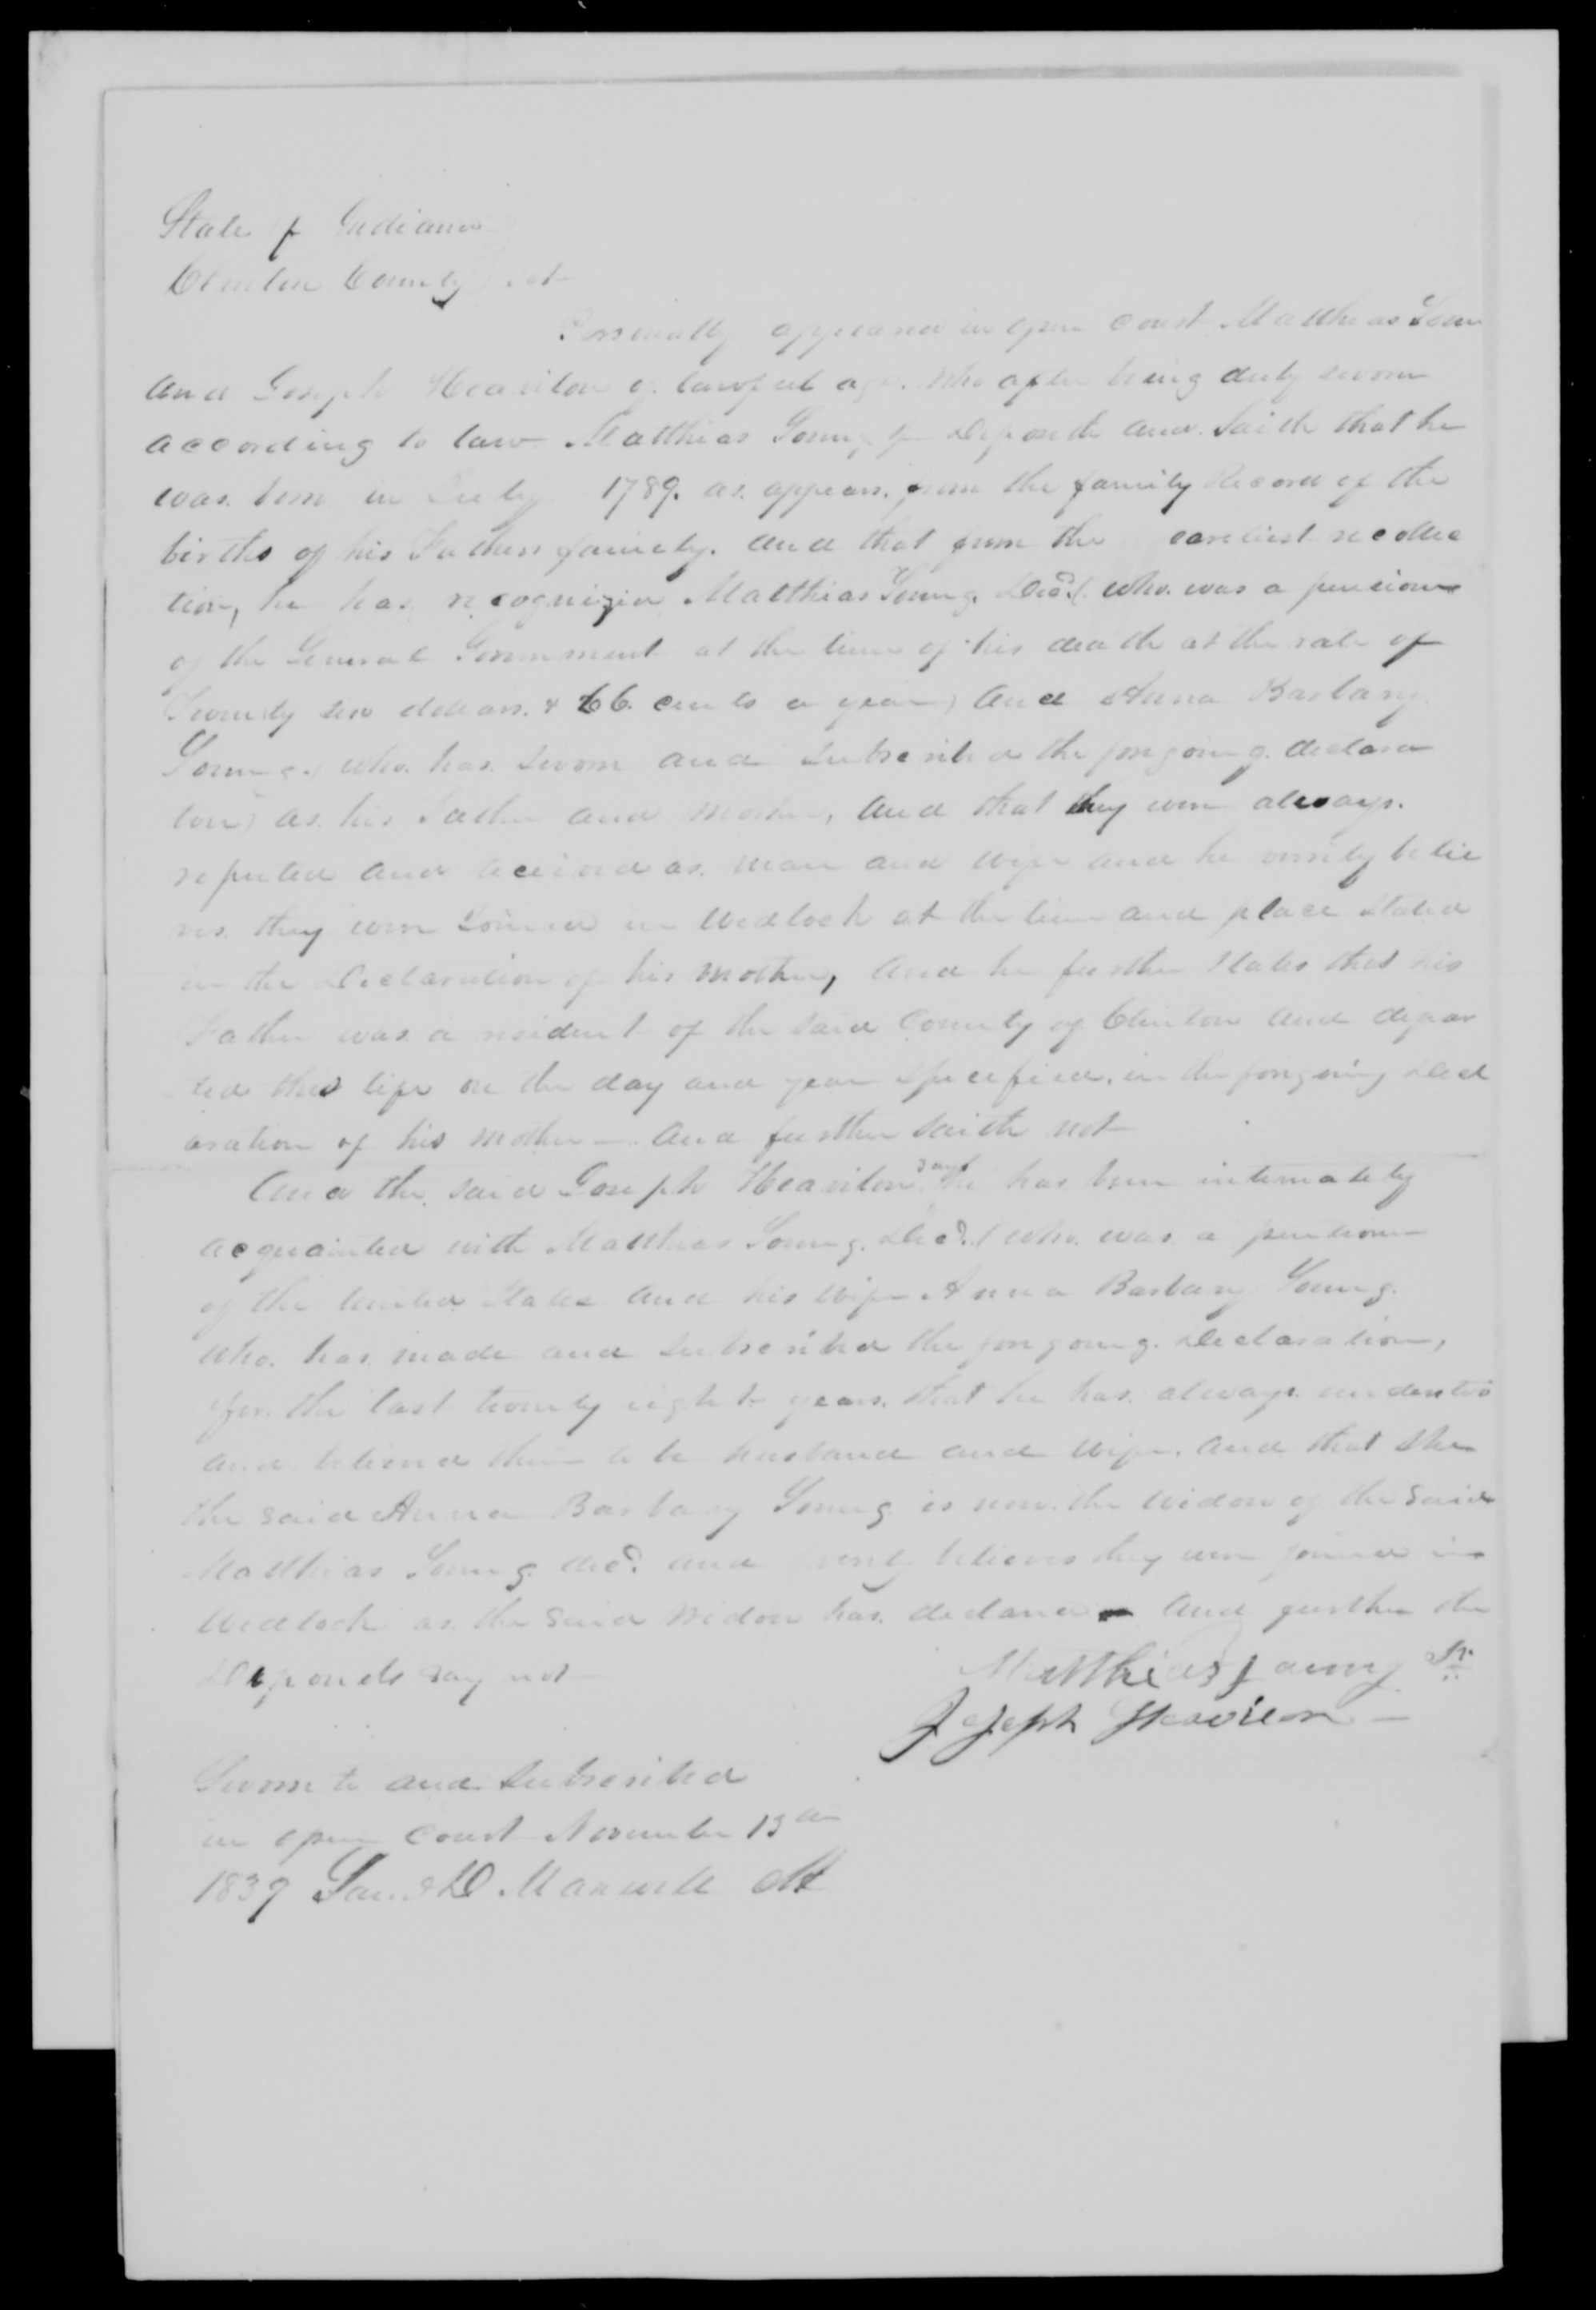State of Indiana Clinton County set
Personally appeared in open Court Matthias Young
and Joseph Hearston, of lawful age who after being duly sworn according to law Matthias Young jr., Deposeth and Saith that he was born in July 1789 as appears from the family record of the births of his Father’s family, and that from the earliest recollection, he has recognized Matthias Young. Decd. (who was a pensioner of the General Government at the time of his death at the rate of
Twenty six dollars & 66 cents a year) and Anna Barbary Young who has sworn and subscribed the foregoing declaration, as his Father and mother, and that they were always reputed and received as man and wife and he verily believes they were joined in wedlock at the time and place stated in the declaration of his mother, and he further states that his Father was a resident of the said County of Clinton and departed this life on the day and year specified in the foregoing declaration of his mother-- And further saith not.
And the said Joseph Hearston says he has been intimately acquainted with Matthias Young. Decd who was a pensioner of the United States and his wife Anna Barbary Young who has made and subscribed the foregoing declaration, for the last twenty eight years, that he has always understood
and believed them to be husband and wife, and that she, the said Anna Barbary Young, is now the widow of the said Matthias Young dec’d and verily believes they were joined in Wedlock as the said Widow has declared and further the Deponents say not
Matthias Young Jr
Joseph Hearston -

Sworn to and subscribed in open Court November 13th 1839 
Sam’l D. Maxwell Clk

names: Matthias Young, Anna Barbary Young, Saml D Maxwell, Joseph Hearston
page: 14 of 123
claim: rejected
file: R. 11,949, Matthias Young, Md.